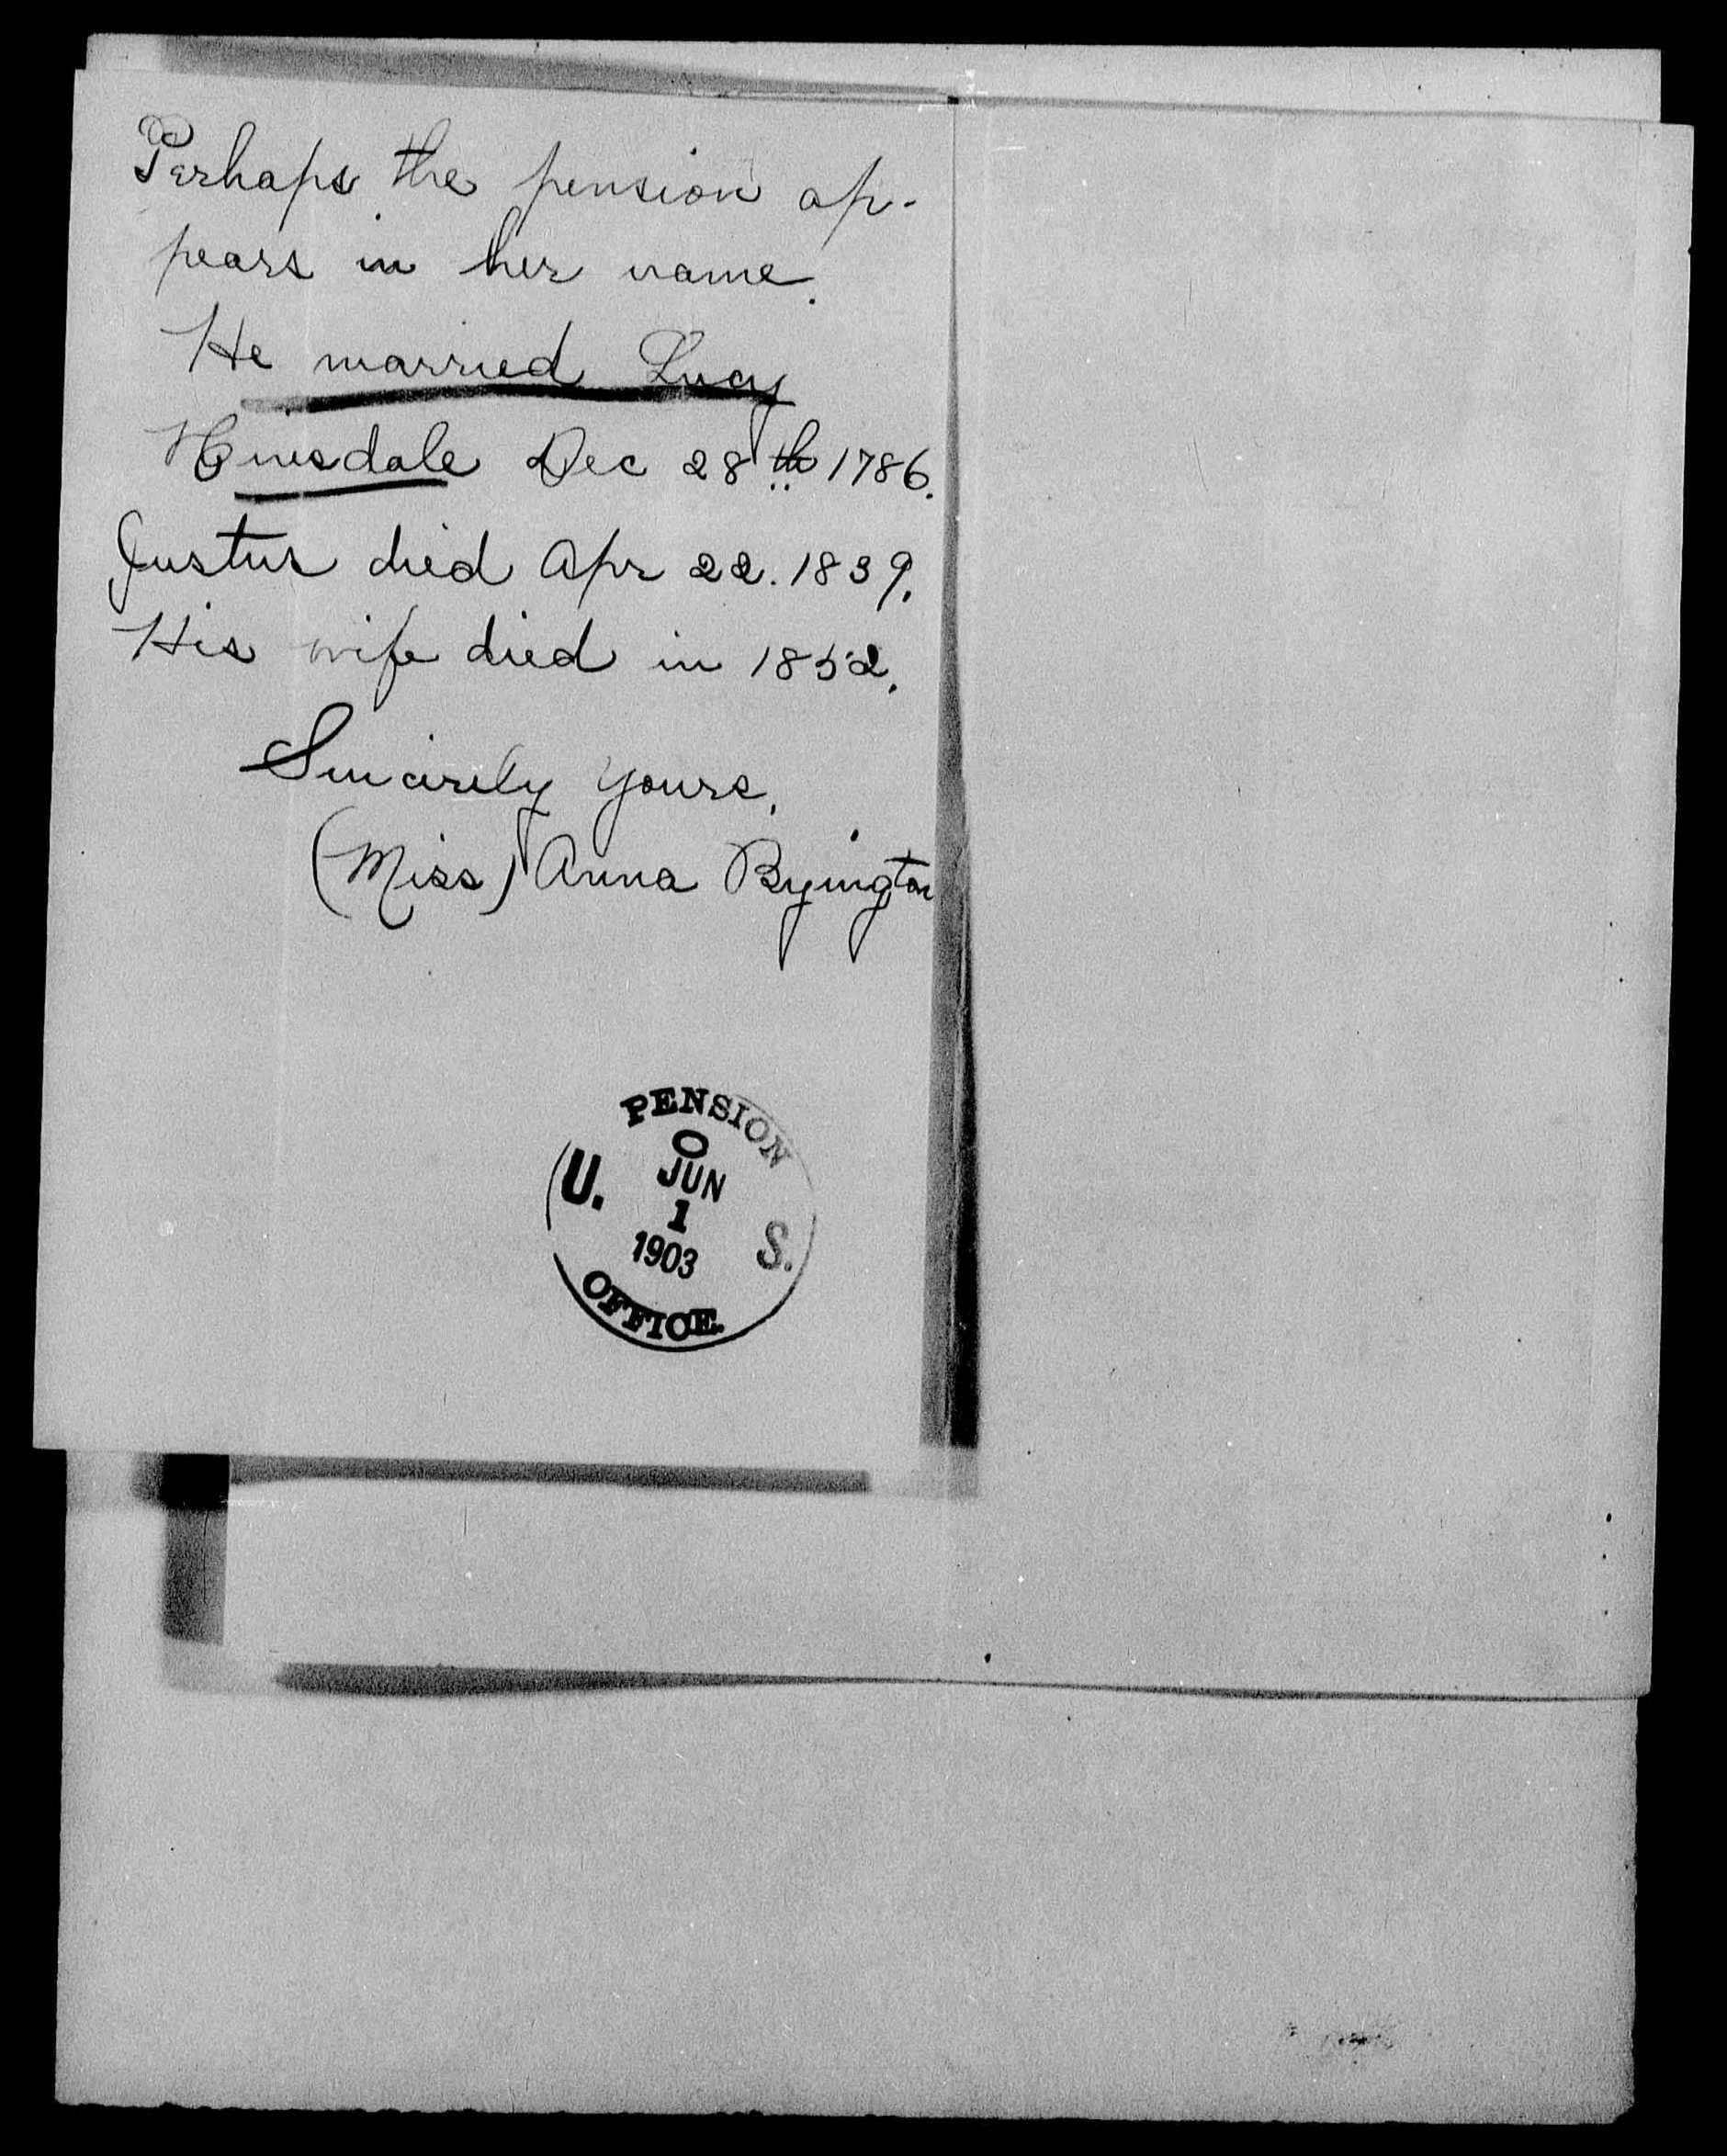Perhaps the pension appears in her name.
He married Lucy Hinsdale Dec 28th 1786.
Justus died Apr 22, 1839.
His wife died in 1852.
Sincerely yours,
(Miss) Anna Byington

[stamped]
U. S. PENSION OFFICE
O
JUN 1 1903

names: Anna Byington, Justus, Lucy Hinsdale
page: 67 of 79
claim: widow's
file: W. 23754, Justus Byington, Conn.